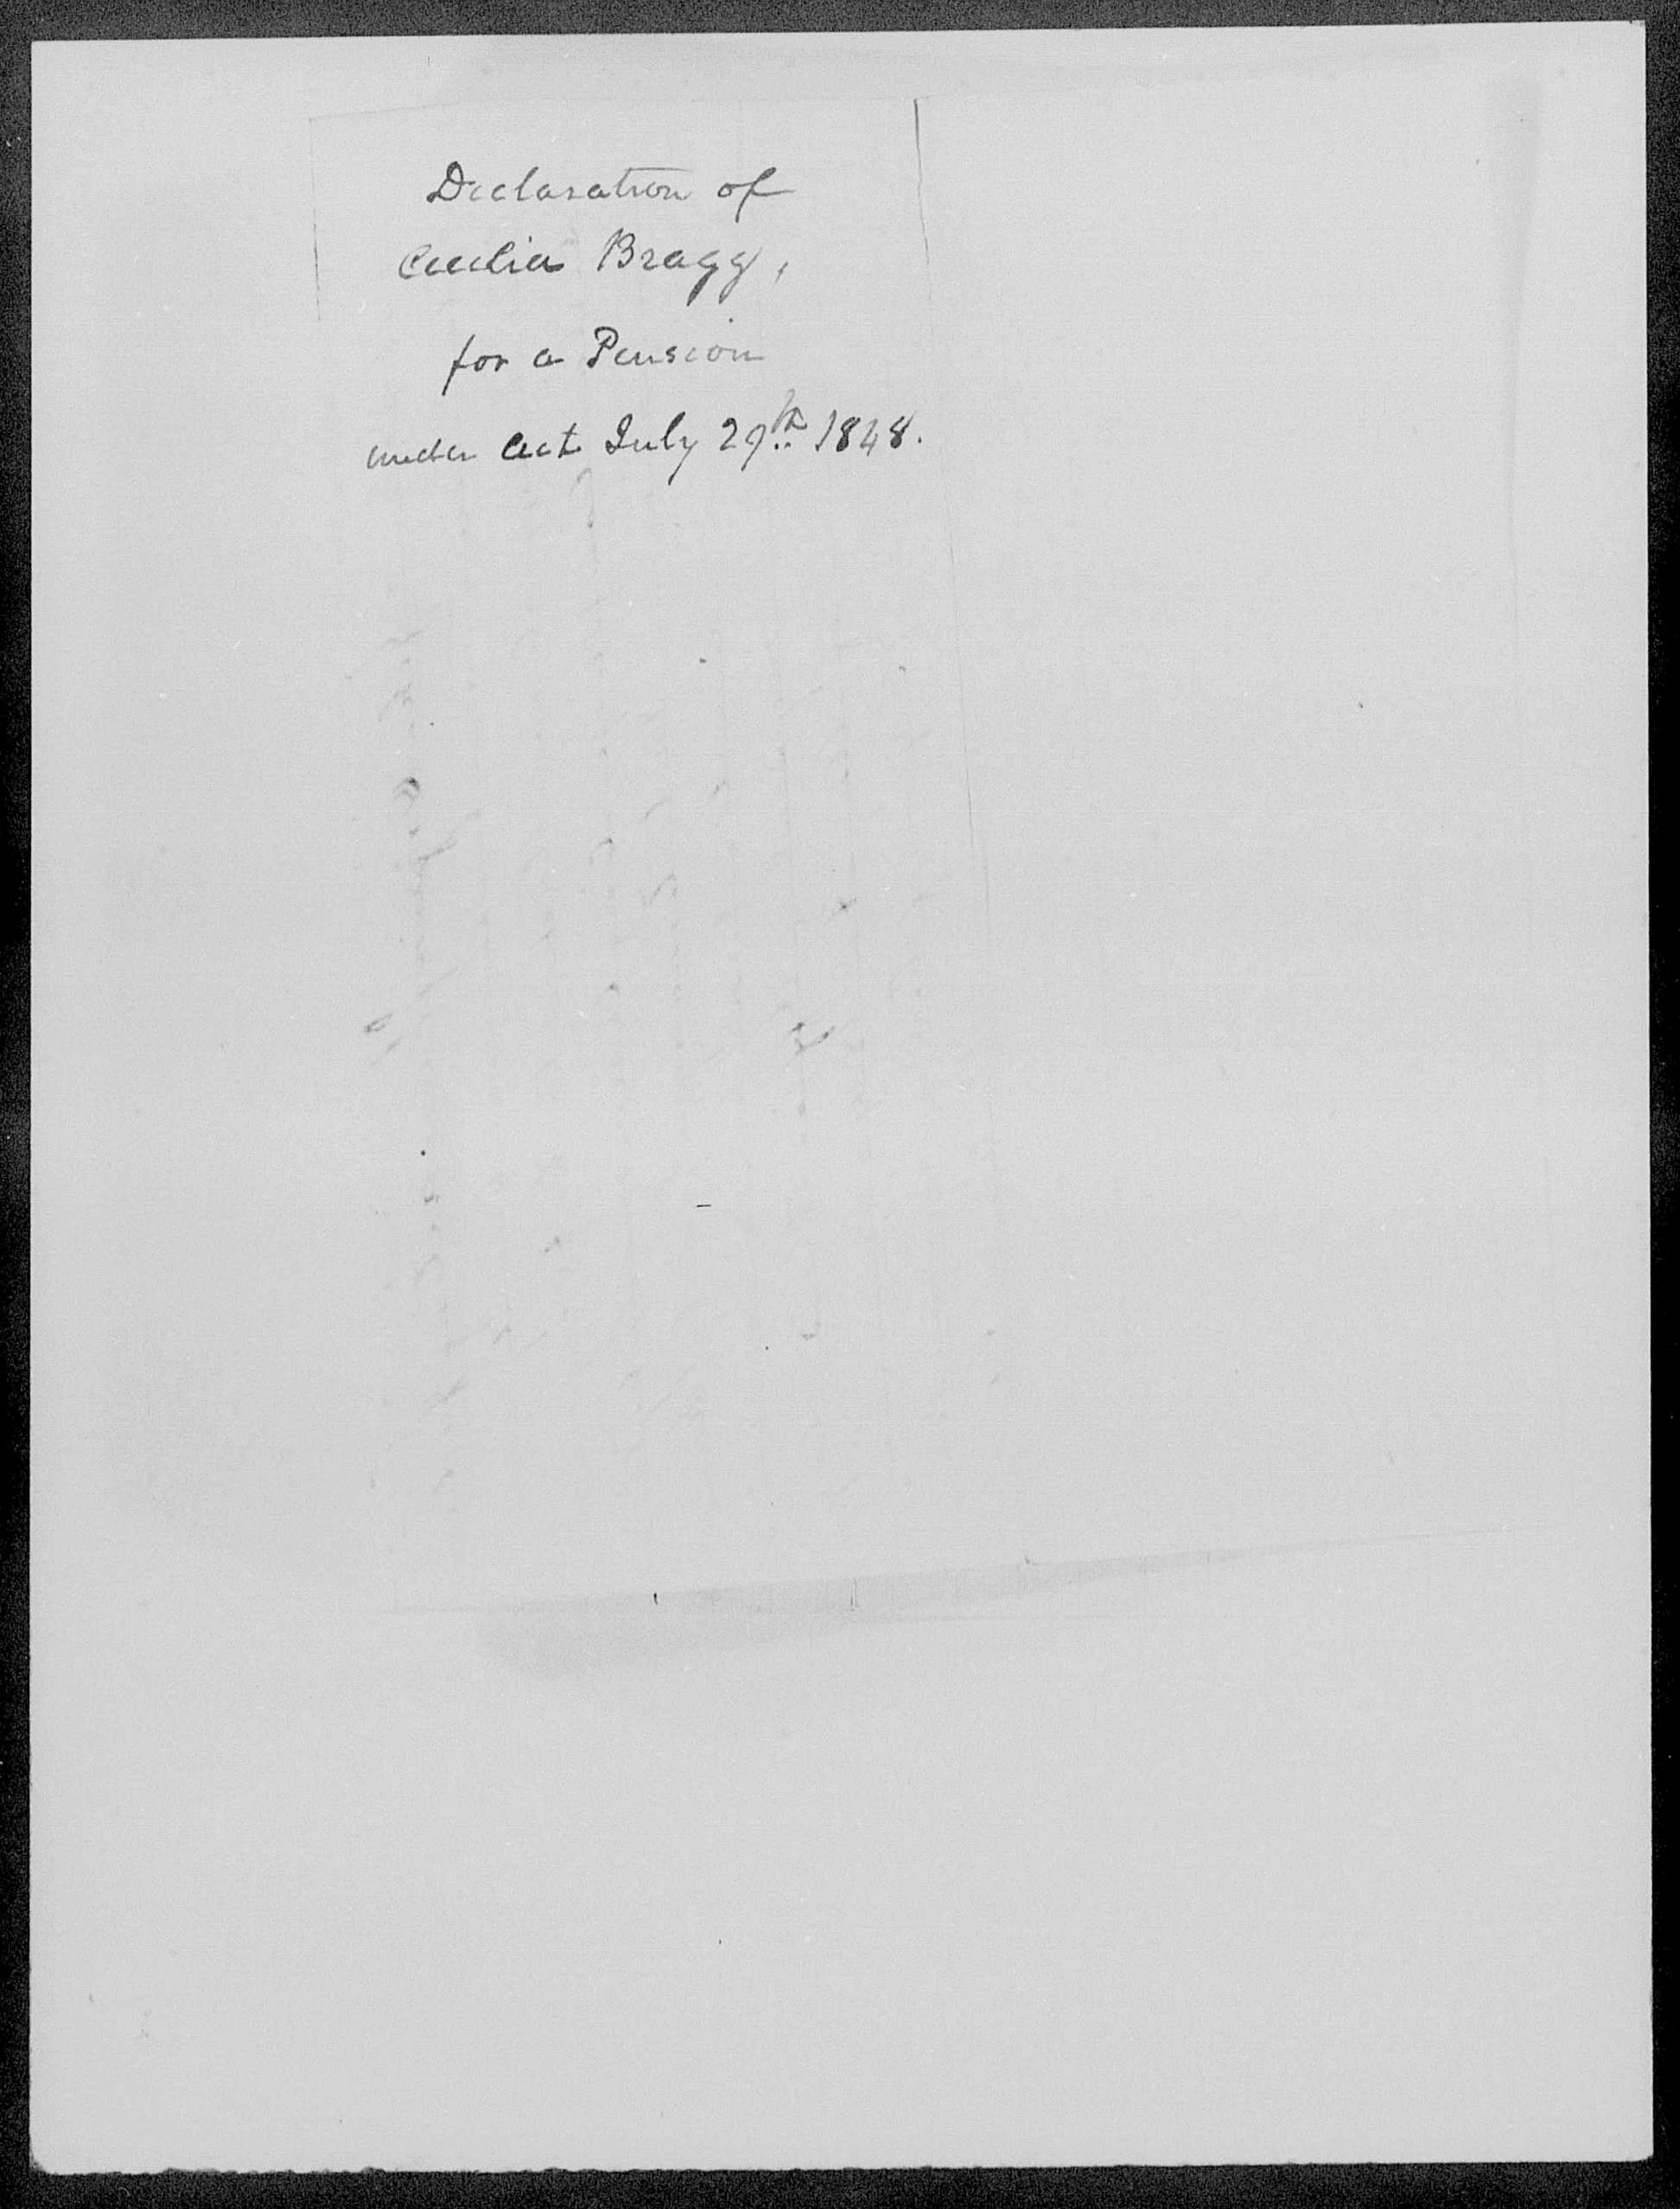Declaration of
Cecelia Bragg,
for a Pension
under Act July 29th 1848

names: Cecelia Bragg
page: 9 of 19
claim: widow's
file: W. 2517, William Bragg, Va.